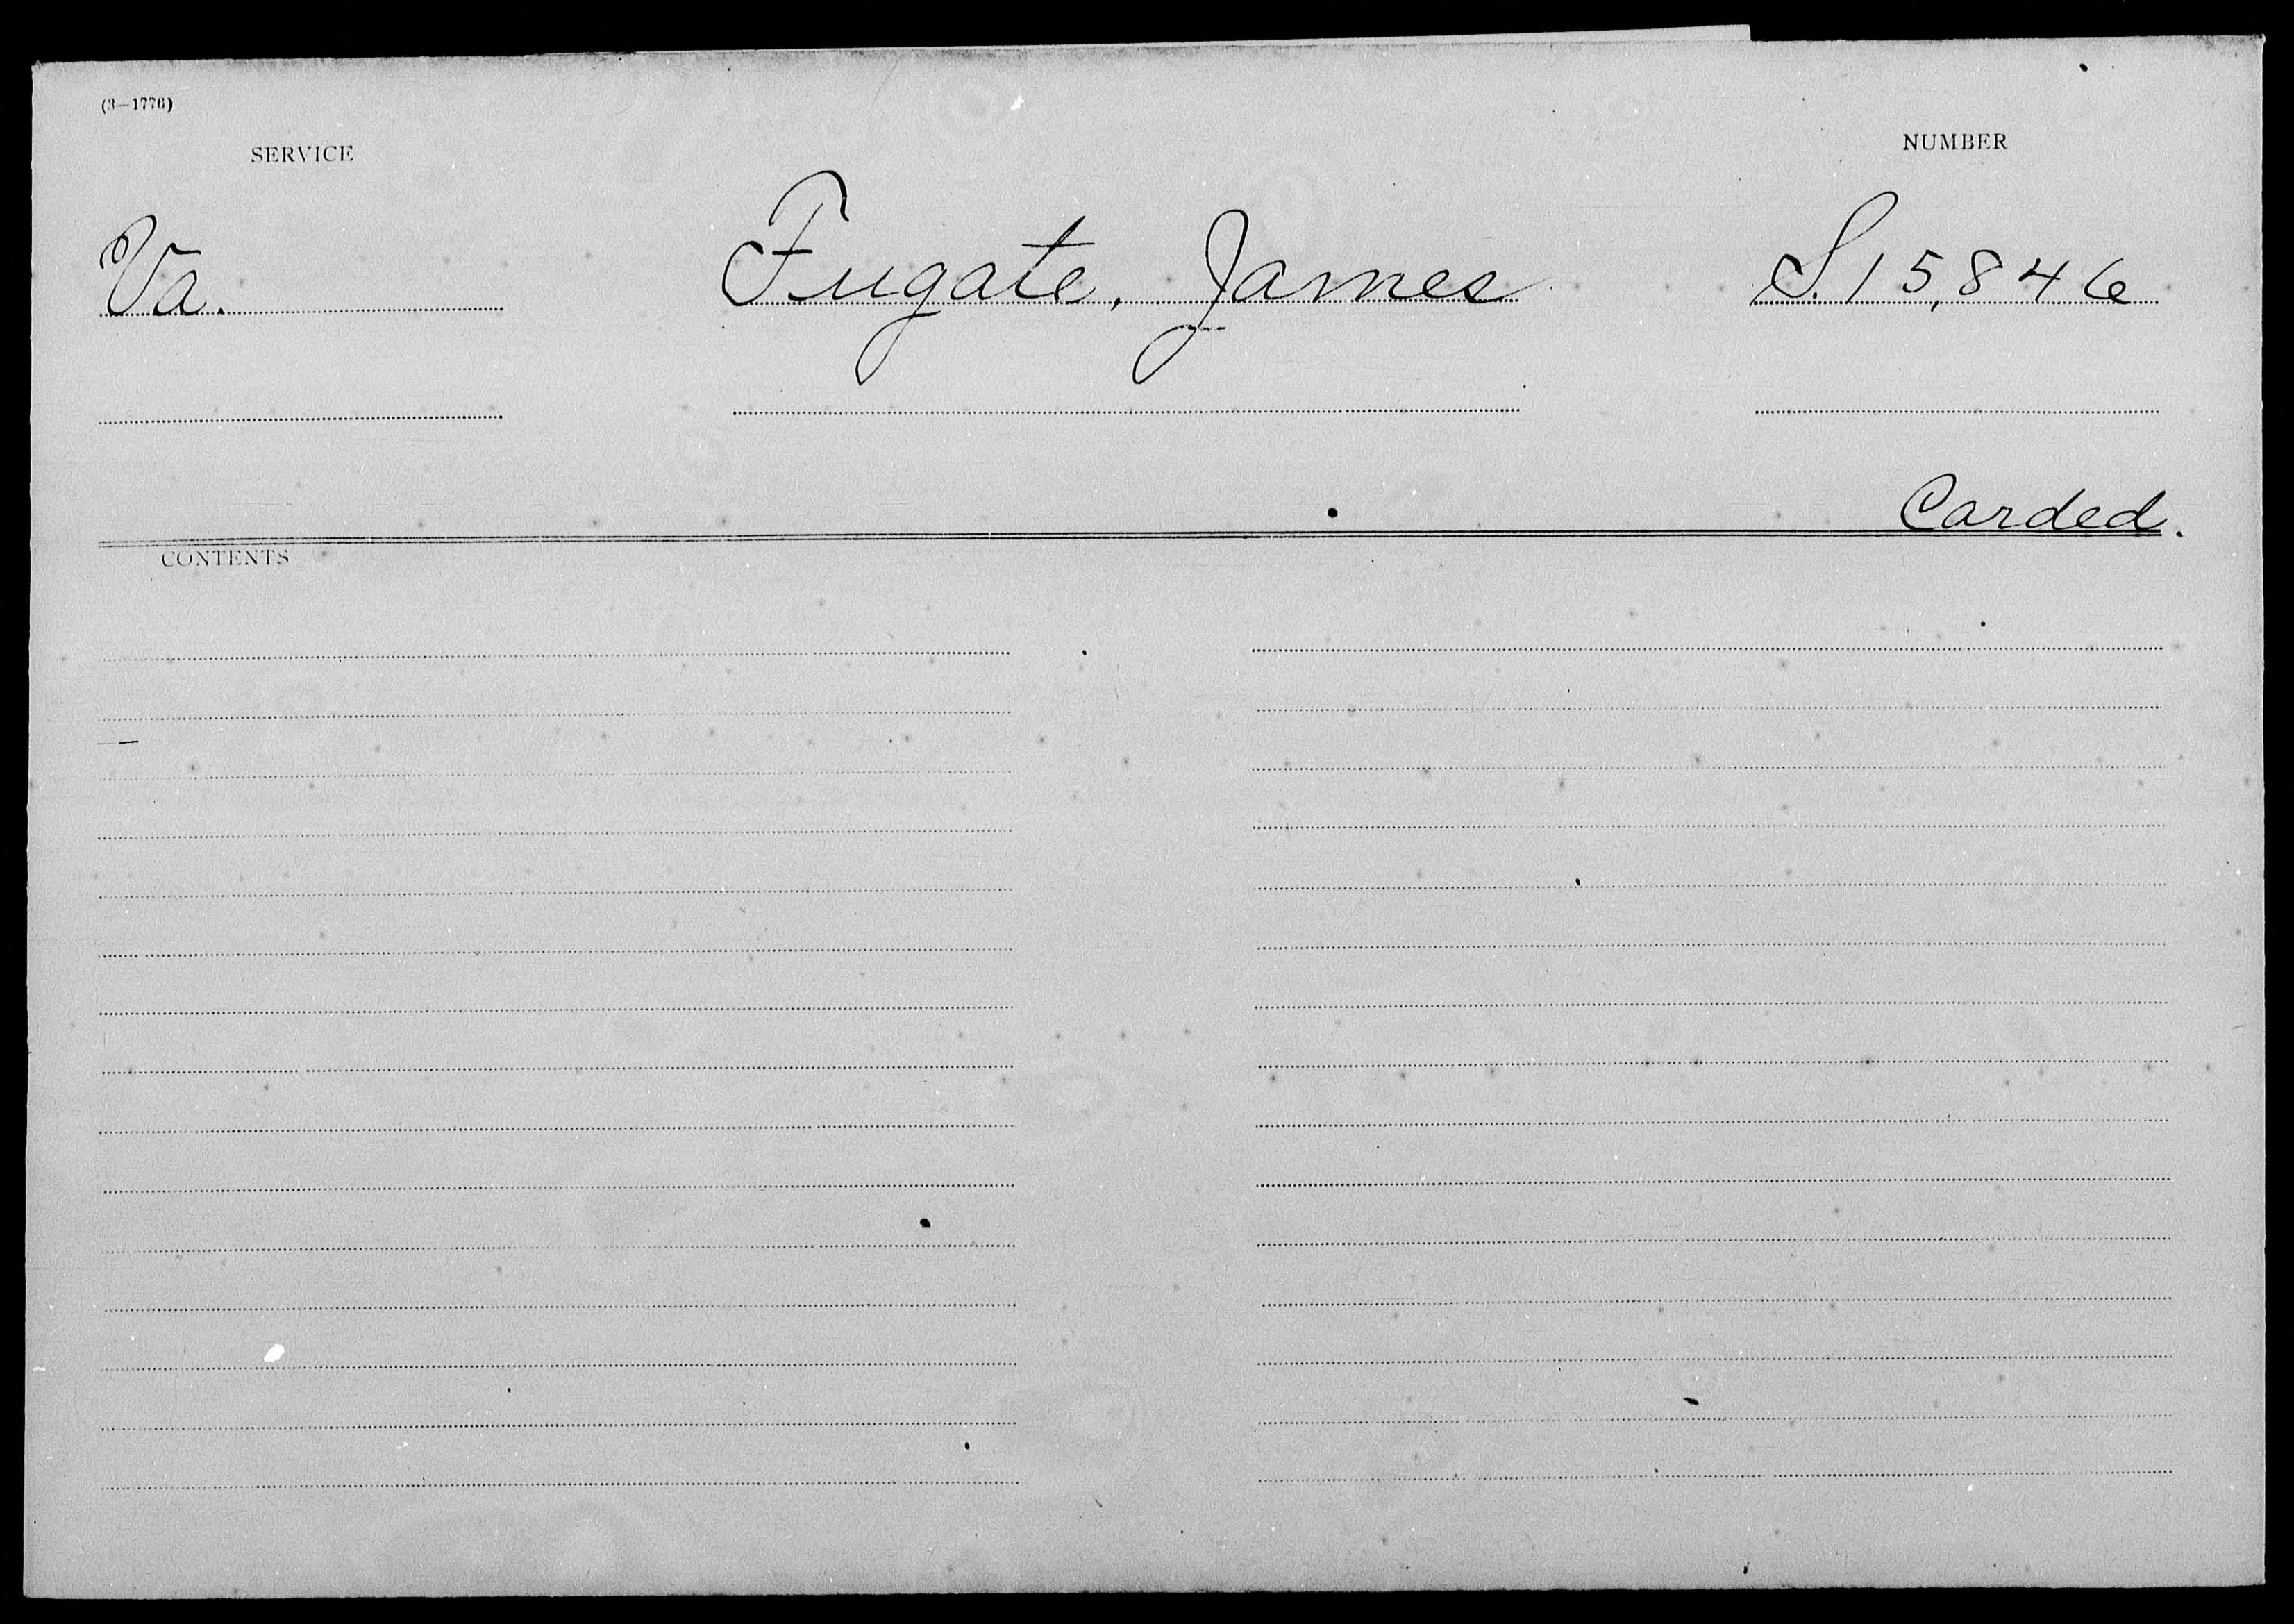Service Va. [Virginia] Fugate, James Number S. 15,846
Carded.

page: 1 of 18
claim: survivor's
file: S. 15,846, James Fugate, Va.